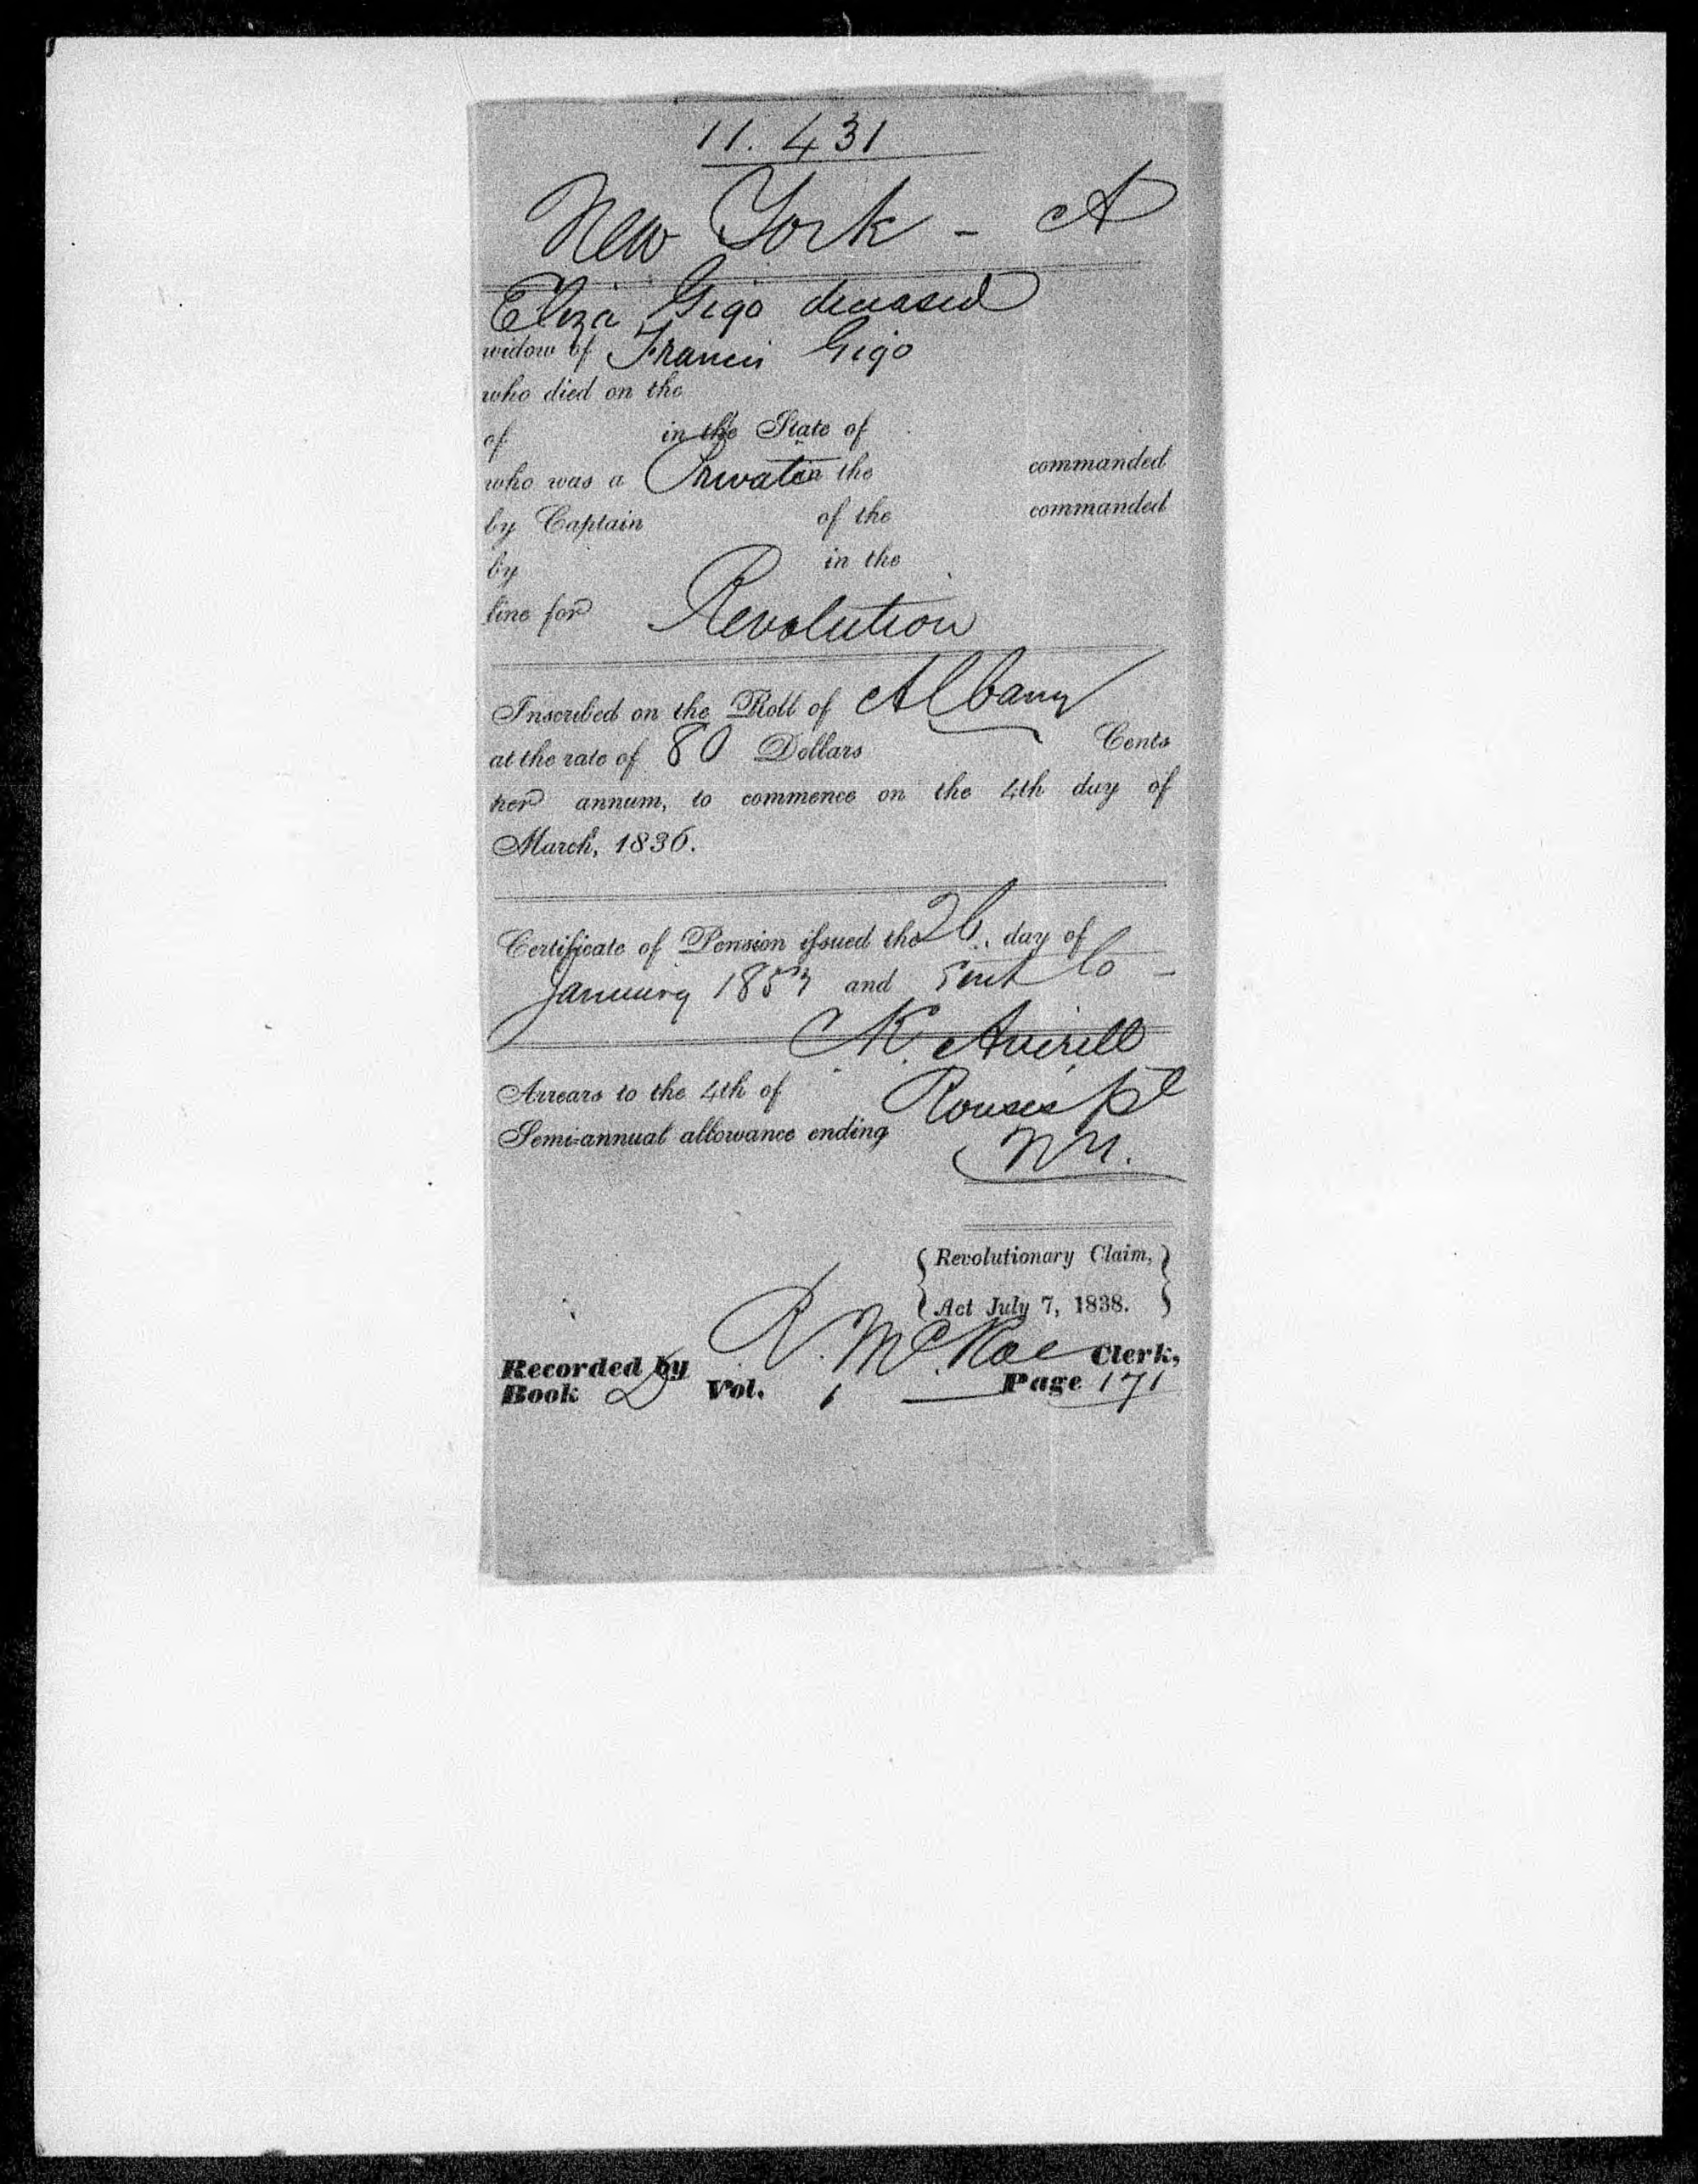11.431
New York - A
Eliza Gigo  deceased
widow of Francis Gigo
who died on the___ of-___ in the State of ____
who was a Private the ___commanded by Captain____ of the ____ commanded by ____ in the ____line for Revolution

Inscribed on the Roll of Albany at the rate of 
80 Dollars ____cents per annum, to commence on the 4th day of March 1836.

Certificate of Pension issued the 26th day of January 1857 and such to - C. K. Averill
Arrears to the 4th of Rouse's pt N Y
Semi-annual allowance ending ____

Revolutionary Claim  Act July 7, 2838
Recorded by R. McRae, Clerk
Book D  Vol. 1  page 171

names: Eliza Gigo, Francis Gigo, R Mc Rae, C K Averill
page: 16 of 98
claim: widow's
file: W. 21182, Francis Gigo, Continental (Canadian)